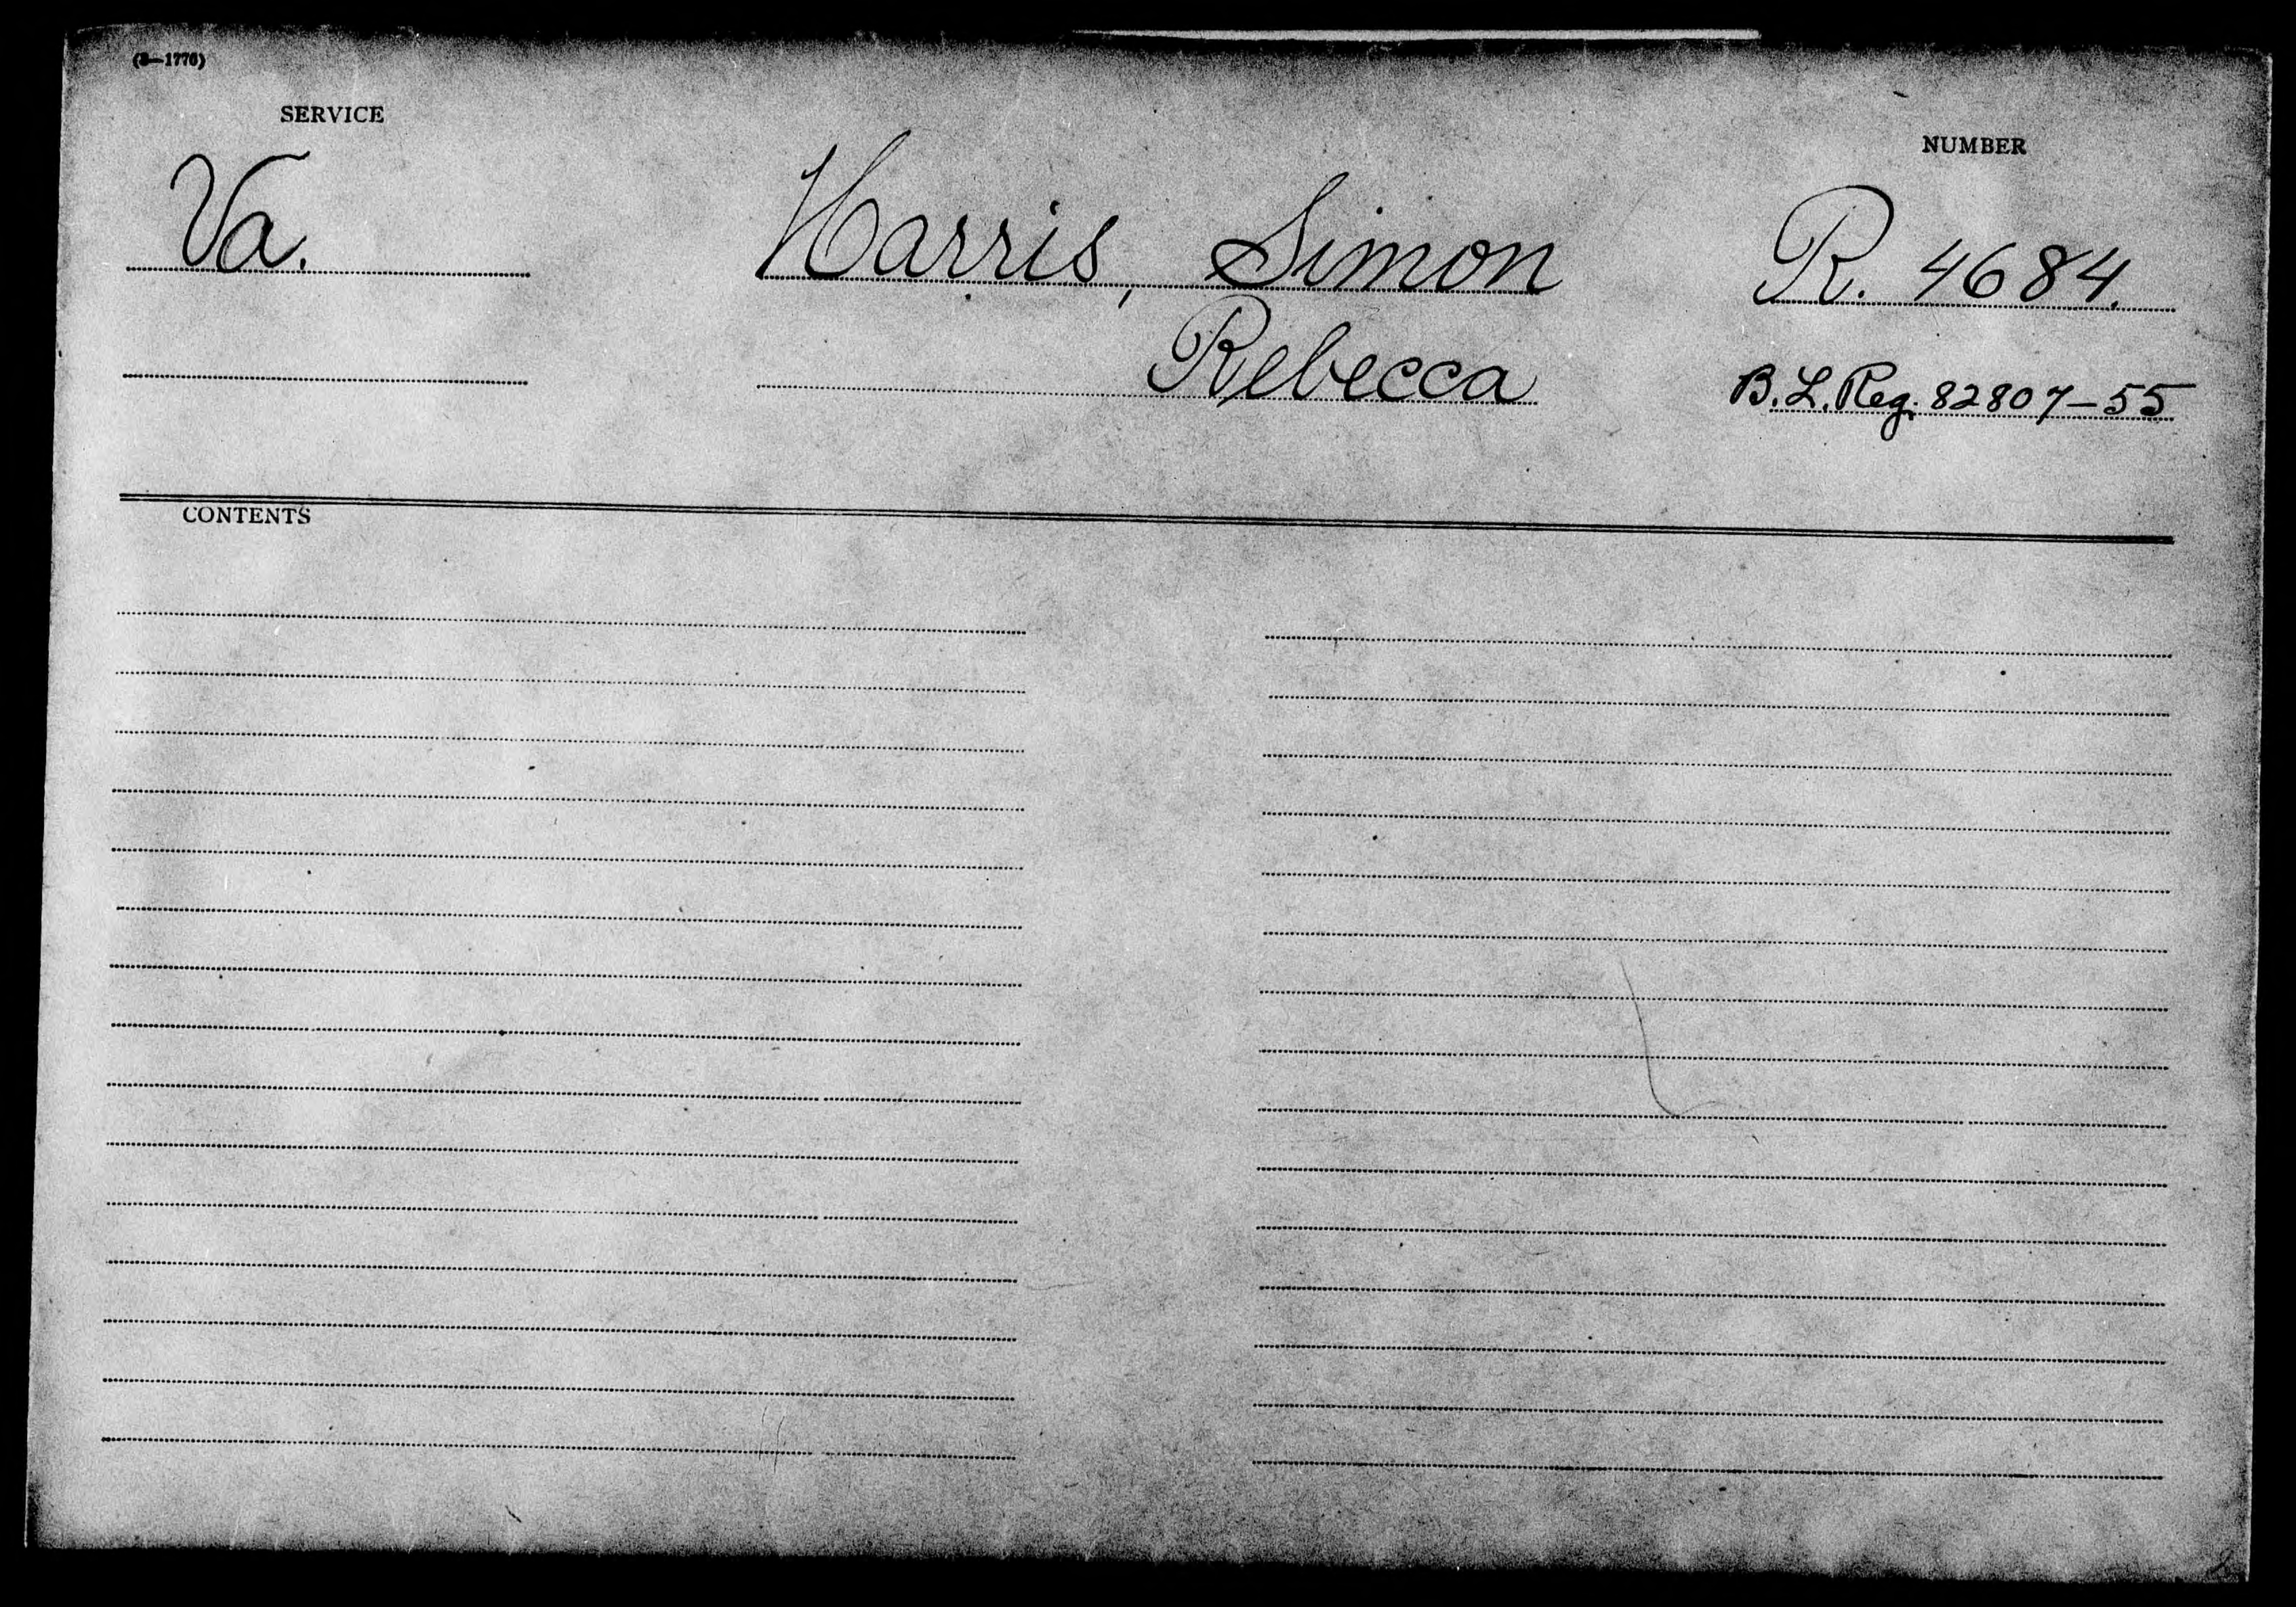(3-1776)
SERVICE                                                                            NUMBER
VA                                     Harris, Simon                          R. 4684.
                                                     Rebecca                    B.L.Reg 82807-55
_______________________________________________________________________
CONTENTS 
[Nothing Further written]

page: 1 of 24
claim: rejected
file: R. 4684, Simon Harris, Va.